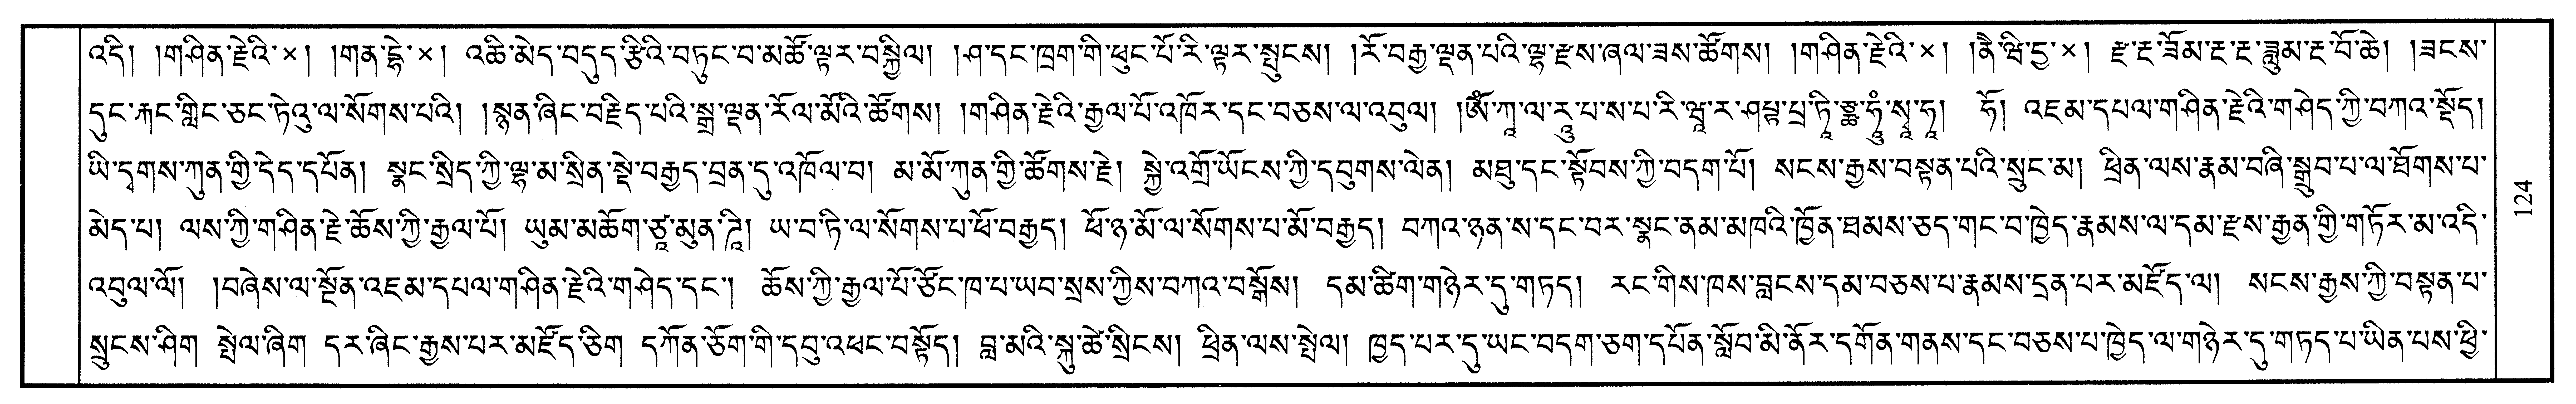འདི། །གཤིན་རྗེའི་྾། །གན་དྷེ་྾། འཆི་མེད་བདུད་རྩིའི་བཏུང་བ་མཚོ་ལྟར་བསྐྱིལ། །ཤ་དང་ཁྲག་གི་ཕུང་པོ་རི་ལྟར་སྤུངས། །རོ་བརྒྱ་ལྡན་པའི་ལྷ་རྫས་ཞལ་ཟས་ཚོགས། །གཤིན་རྗེའི་྾། །ནཻ་ཝི་དྱ་྾། རྫ་རྔ་ཟོམ་རྔ་རྔ་ཟླུམ་རྔ་བོ་ཆེ། །ཟངས་
དུང་རྐང་གླིང་ཅང་ཏེའུ་ལ་སོགས་པའི། །སྙན་ཞིང་བརྗིད་པའི་སྒྲ་ལྡན་རོལ་མོའི་ཚོགས། །གཤིན་རྗེའི་རྒྱལ་པོ་འཁོར་དང་བཅས་ལ་འབུལ། །ཨོཾ་ཀཱ་ལ་རཱུ་པ་ས་པ་རི་ཝཱ་ར་ཤཔྟ་པྲ་ཏཱི་ཙྪ་ཧཱུཾ་སྭཱ་ཧཱ། ཧོ། འཇམ་དཔལ་གཤིན་རྗེའི་གཤེད་ཀྱི་བཀའ་སྡོད།
ཡི་དྭགས་ཀུན་གྱི་དེད་དཔོན། སྣང་སྲིད་ཀྱི་ལྷ་མ་སྲིན་སྡེ་བརྒྱད་བྲན་དུ་འཁོལ་བ། མ་མོ་ཀུན་གྱི་ཚོགས་རྗེ། སྐྱེ་འགྲོ་ཡོངས་ཀྱི་དབུགས་ལེན། མཐུ་དང་སྟོབས་ཀྱི་བདག་པོ། སངས་རྒྱས་བསྟན་པའི་སྲུང་མ། ཕྲིན་ལས་རྣམ་བཞི་སྒྲུབ་པ་ལ་ཐོགས་པ་
མེད་པ། ལས་ཀྱི་གཤིན་རྗེ་ཆོས་ཀྱི་རྒྱལ་པོ། ཡུམ་མཆོག་ཙཱ་མུན་ཌཱི། ཡ་བ་ཏི་ལ་སོགས་པ་ཕོ་བརྒྱད། ཕོ་ཉ་མོ་ལ་སོགས་པ་མོ་བརྒྱད། བཀའ་ཉན་ས་དང་བར་སྣང་ནམ་མཁའི་ཁྱོན་ཐམས་ཅད་གང་བ་ཁྱེད་རྣམས་ལ་དམ་རྫས་རྒྱན་གྱི་གཏོར་མ་འདི་
འབུལ་ལོ། །བཞེས་ལ་སྔོན་འཇམ་དཔལ་གཤིན་རྗེའི་གཤེད་དང་། ཆོས་ཀྱི་རྒྱལ་པོ་ཙོང་ཁ་པ་ཡབ་སྲས་ཀྱིས་བཀའ་བསྒོས། དམ་ཚིག་གཉེར་དུ་གཏད། རང་གིས་ཁས་བླངས་དམ་བཅས་པ་རྣམས་དྲན་པར་མཛོད་ལ། སངས་རྒྱས་ཀྱི་བསྟན་པ་
སྲུངས་ཤིག །སྤེལ་ཞིག །དར་ཞིང་རྒྱས་པར་མཛོད་ཅིག །དཀོན་ཅོག་གི་དབུ་འཕང་བསྟོད། བླ་མའི་སྐུ་ཚེ་སྲིངས། ཕྲིན་ལས་སྤེལ། ཁྱད་པར་དུ་ཡང་བདག་ཅག་དཔོན་སློབ་མི་ནོར་དགོན་གནས་དང་བཅས་པ་ཁྱེད་ལ་གཉེར་དུ་གཏད་པ་ཡིན་པས་ཕྱི་